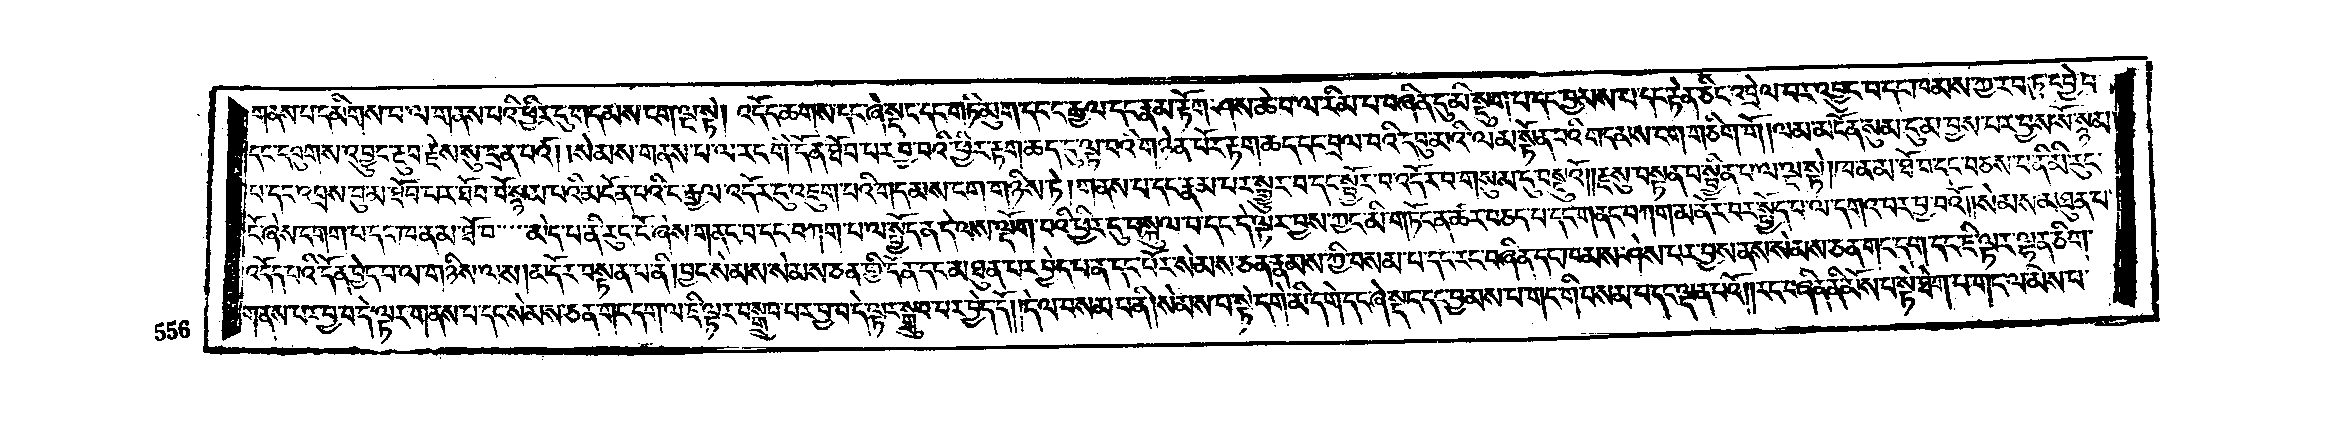གནས་པ་དམིགས་པ་ལ་གནས་པའི་ཕྱིར་དུ་གདམས་ངག་ལྔ་སྟེ། འདོད་ཆགས་དང་ཞེ་སྡང་དང་གཏི་མུག་དང་ང་རྒྱལ་དང་རྣམ་རྟོག་ཤས་ཆེ་བ་ལ་རིམ་པ་བཞིན་དུ་མི་སྡུག་པ་དང་བྱམས་པ་དང་རྟེན་ཅིང་འབྲེལ་བར་འབྱུང་བ་དང་ཁམས་ཀྱི་རབ་ཏུ་དབྱེ་བ་
དང་དབུགས་འབྱུང་རྡུབ་རྗེས་སུ་དྲན་པའོ། །སེམས་གནས་པ་ལ་རང་གི་དོན་ཐོབ་པར་བྱ་བའི་ཕྱིར་རྟག་ཆད་དུ་ལྟ་བའི་གཉེན་པོར་རྟག་ཆད་དང་བྲལ་བའི་དབུ་མའི་ལམ་སྟོན་པའི་གདམས་ངག་གཅིག་གོ །ལམ་མངོན་སུམ་དུ་མ་བྱས་པར་བྱས་སོ་སྙམ་
པ་དང་འབྲས་བུ་མ་ཐོབ་པར་ཐོབ་བོ་སྙམ་པའི་མངོན་པའི་ང་རྒྱལ་འདོར་དུ་འཇུག་པའི་གདམས་ངག་གཉིས་ཏེ། གནས་པ་དང་རྣམ་པར་སྒྱུར་བ་དང་སྦྱོར་བ་འདོར་བ་གསུམ་དུ་བསྡུའོ། །རྗེས་སུ་བསྟན་པ་སྦྱིན་པ་ལ་ལྔ་སྟེ། ཁ་ན་མ་ཐོ་བ་དང་བཅས་པ་ནི་མི་རུང་
ངོ་ཞེས་དགག་པ་དང་ཁ་ན་མ་ཐོ་བ་མེད་པ་ནི་རུང་ངོ་ཞེས་གནང་བ་དང་བཀག་པ་ལ་སྤྱོད་ན་དེ་ལས་ལྡོག་པའི་ཕྱིར་དུ་བསྐུལ་བ་དང་དེ་ལྟར་བྱས་ཀྱང་མི་གཏོང་ན་ཚར་བཅད་པ་དང་གནང་བཀག་མ་ནོར་བར་སྤྱོད་པ་ལ་དགའ་བར་བྱ་བའོ། །སེམས་མཐུན་པ་
འདོད་པའི་དོན་བྱེད་པ་ལ་གཉིས་ལས། མདོར་བསྟན་པ་ནི། བྱང་སེམས་སེམས་ཅན་གྱི་དོན་དང་མཐུན་པར་བྱེད་པ་ན་དང་པོར་སེམས་ཅན་རྣམས་ཀྱི་བསམ་པ་དང་རང་བཞིན་དང་ཁམས་ཤེས་པར་བྱས་ནས་སེམས་ཅན་གང་དག་དང་ཇི་ལྟར་ལྷན་ཅིག་
གནས་པར་བྱ་བ་དེ་ལྟར་གནས་པ་དང་སེམས་ཅན་གང་དག་ལ་ཇི་ལྟར་བསྒྲུབ་པར་བྱ་བ་དེ་ལྟར་སྒྲུབ་པར་བྱེད་དོ། །དེ་ལ་བསམ་པ་ནི། སེམས་པ་སྟེ་དགེ་མི་དགེ་དང་ཞེ་སྡང་དང་བྱམས་པ་གང་གི་བསམ་པ་དང་ལྡན་པའོ། །རང་བཞིན་ནི་མོས་པ་སྟེ་ཐེག་པ་གང་ལ་མེས་པ་